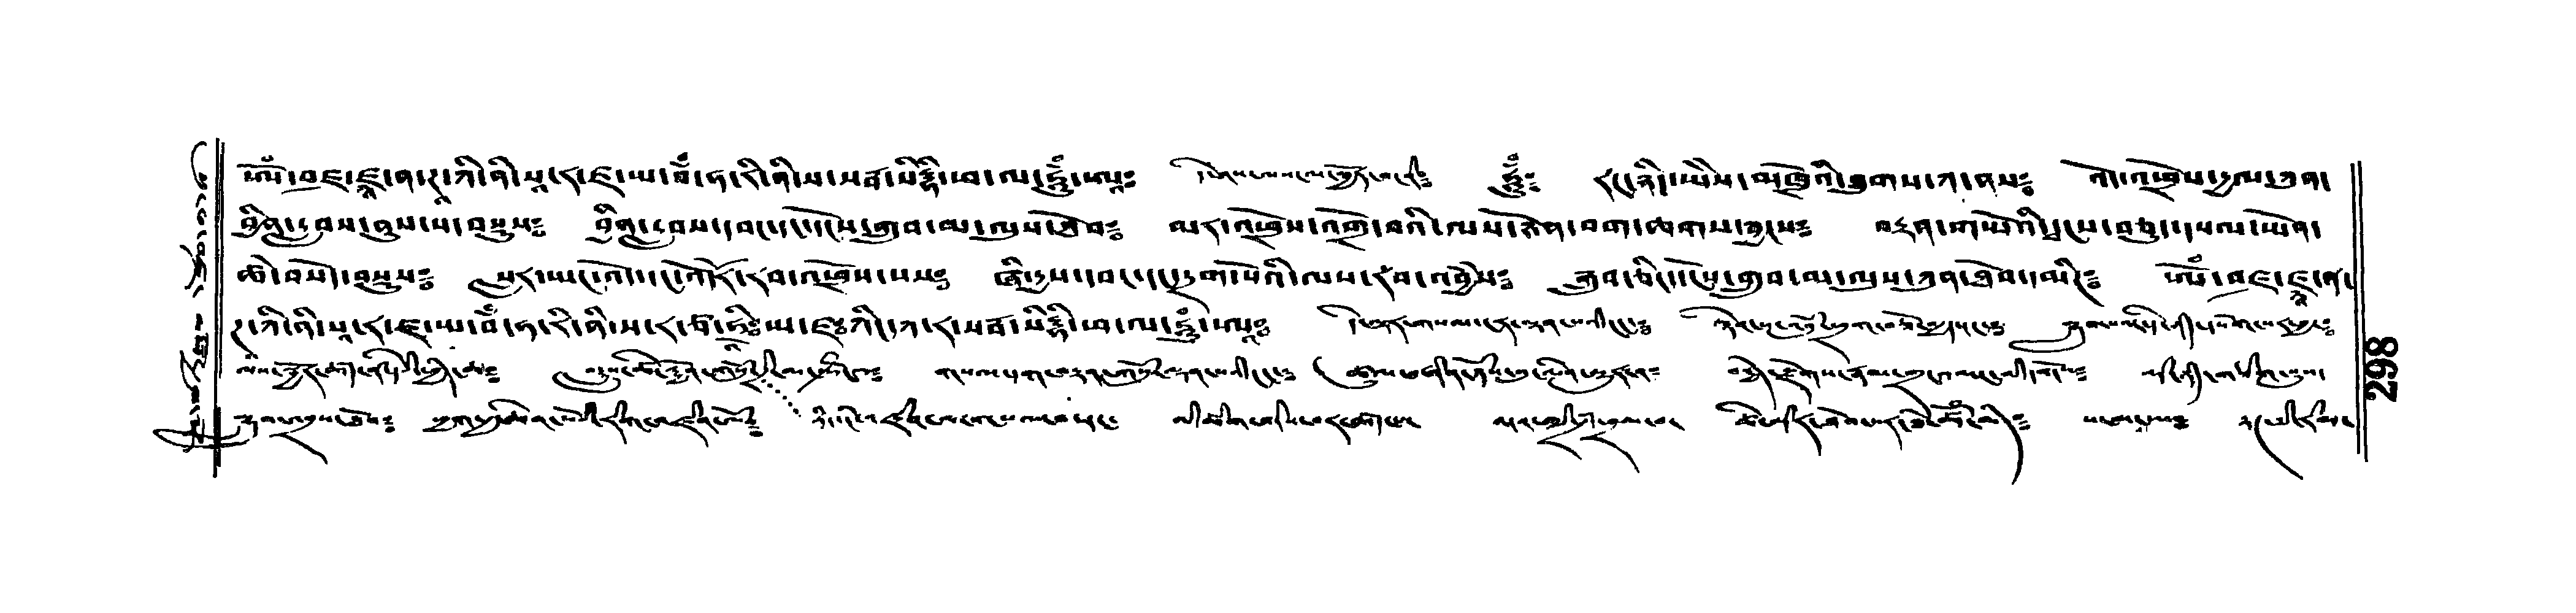ཨོཾ་བཛྲ་ཛྙཱ་ན་ཌཱ་ཀི་ནི་སཱ་ར་ཛ་ཡ་བྃ་ཧ་རི་ནི་ས་སརྦ་སིདྡྷི་ཕ་ལ་ཧཱུྃ་ཨཱཿ དེ་ནས་ལས་ལ་སྦྱོར་བ་ནི༔ ཧཱུྃ༔ རང་ཉིད་ཡེ་ཤེས་མཁའ་འགྲོའི་ཐུགས་ཀ་ནས༔ འོད་འཕྲོས་རྒྱལ་ཀུན་
བྱིན་རླབས་ནུས་པ་བསྡུས༔ བྱིན་རླབས་དབང་དང་དངོས་གྲུབ་མ་ལུས་ཐོབ༔ མར་འཕྲོས་འགྲོ་བའི་ལས་ཉོན་བག་ཆགས་སྦྱངས༔ བརྟན་གཡོའི་དྭངས་བཅུད་དཔལ་ཡོན་
ཚེ་བསོད་བསྡུས༔ སླར་ཡང་འོད་དང་འོད་ཟེར་རབ་འཕྲོས་པས༔ ཞི་རྒྱས་དབང་དང་དྲག་པོའི་ལས་རབ་འབྱམས༔ སྒྲུབ་ཅིང་དངོས་གྲུབ་མ་ལུས་ཀུན་ཐོབ་དམིགས༔ ཨོཾ་བཛྲ་ཛྙཱ་ན་
ཌཱ་ཀི་ནི་སཱ་ར་ཛ་ཡ་བྃ་ཧ་རི་ནི་ས་ར་ཙ་ཧྲཱིཿཡ་ཛཿཀིང་ཀ་ར་སརྦ་སིདྡྷི་ཕ་ལ་ཧཱུྃ་ཨཱཿ དེ་ལྟར་གསལ་ངར་ལྡན་པའི་ངང༔ སྙེན་པ་འབུམ་ཕྲག་བཅོ་བརྒྱད་དང༔ སྒྲུབ་པའང་དེ་ཉིད་དཔོག་པར་བྱ༔ 
ལས་སྦྱོར་ཚད་ནི་དེའི་ཕྱེད་ཆ༔ བཟླ་ཚེ་སྐྱོན་གསུམ་དྲི་མ་སྤོངས༔ གསལ་དག་བརྟན་གསུམ་ལྡན་པའི་ངང༔ ཚུལ་བཞིན་ཉམས་སུ་ལེན་གྱུར་ན༔ བསྐྱེད་རྫོགས་རྣམ་གྲངས་མང་མི་དགོས༔ འདི་ཉིད་གཅིག་པུས་
སྒྲུབ་འབྲས་ཐོབ༔ ཕྱག་རྒྱ་ཆེན་པོའི་རིག་འཛིན་ལམ༔ཚེ་འདིར་ཐོབ་པར་ཐེ་ཚོམ་མེད༔ ས་མ་ཡ༔ རྟགས་ཀྱི་རིམ་